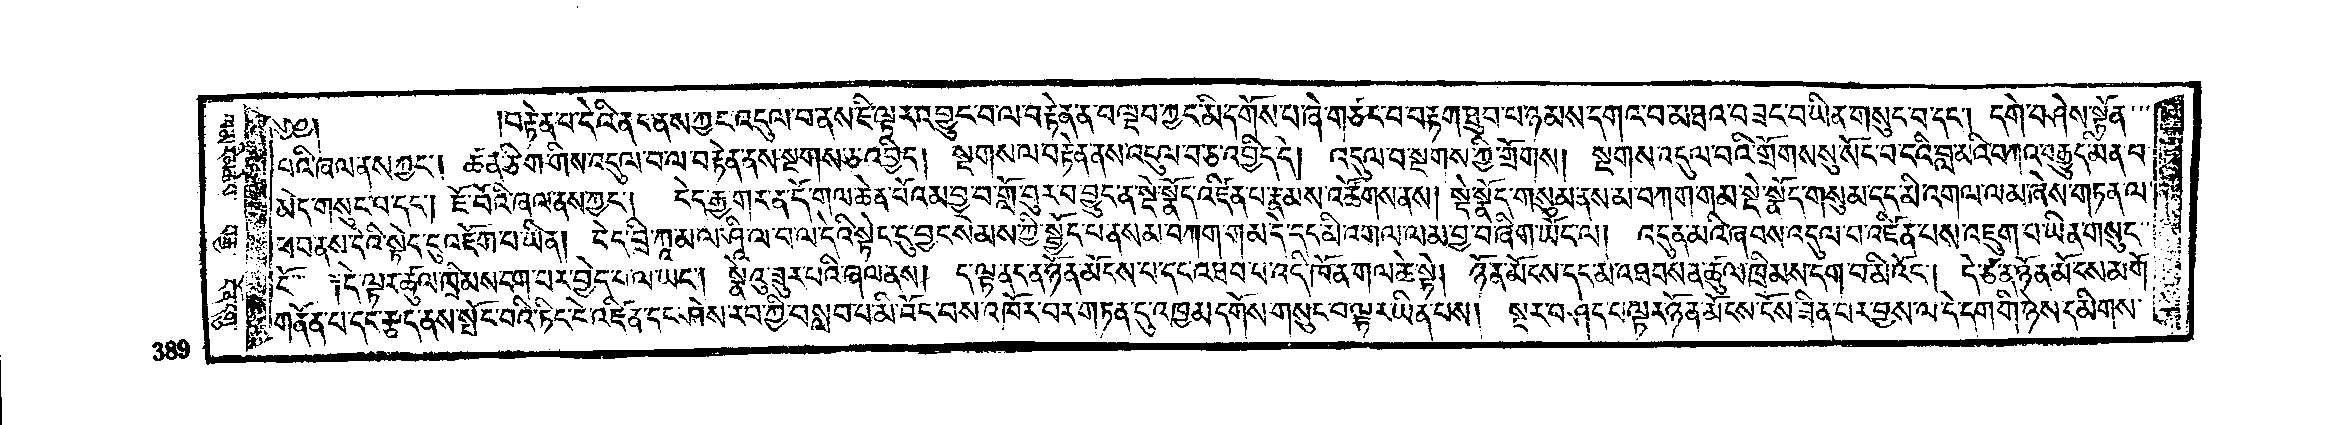༄༅། །བརྟེན་པ་དེའི་ནང་ནས་ཀྱང་འདུལ་བ་ནས་ཇི་ལྟར་འབྱུང་བ་ལ་བརྟེན་ན་བལྡ་བ་ཀྱང་མི་དགོས་པ་ཞེ་གཙང་བ་བརྟག་ཐུབ་པ་ཉམས་དགའ་བ་མཐའ་བཟང་བ་ཡིན་གསུང་བ་དང་། དགེ་བཤེས་སྟོན་
པའི་ཞལ་ནས་ཀྱང་། ཚན་ཅིག་གིས་འདུལ་བ་ལ་བརྟེན་ནས་སྔགས་ཅ་འབྱིད། སྔགས་ལ་བརྟེན་ནས་འདུལ་བ་ཅ་འབྱིད་དེ། འདུལ་བ་སྔགས་ཀྱི་གྲོགས། སྔགས་འདུལ་བའི་གྲོགས་སུ་སོང་བ་ངའི་བླ་མའི་བཀའ་བརྒྱུད་མིན་པ་
མེད་གསུང་བ་དང་། ཇོ་བོའི་ཞལ་ནས་ཀྱང་། ངེད་རྒྱ་གར་ན་དོ་གལ་ཆེན་པོའམ་བྱ་བ་གློ་བུར་བ་བྱུང་ན་སྡེ་སྣོད་འཛིན་པ་རྣམས་འཚོགས་ནས། སྡེ་སྣོད་གསུམ་ནས་མ་བཀག་གམ་སྡེ་སྣོད་གསུམ་དང་མི་འགལ་ལམ་ཞེས་གཏན་ལ་
ཕབ་ནས་དེའི་སྟེང་དུ་འཇོག་པ་ཡིན། ངེད་བྲི་ཀཱ་མ་ལ་ཤཱི་ལ་བ་ལ་དེའི་སྟེང་དུ་བྱང་སེམས་ཀྱི་སྤྱོད་པ་ནས་མ་བཀག་གམ་དེ་དང་མི་འགལ་ལམ་བྱ་བཞིག་ཡོད་ལ། འདུན་མའི་ཞབས་འདུལ་བ་འཛིན་པས་འཇུག་པ་ཡིན་གསུང་
ངོ༑ ༑དེ་ལྟར་ཚུལ་ཁྲིམས་དག་པར་བྱེད་པ་ལ་ཡང་། སྣེའུ་ཟུར་པའི་ཞལ་ནས། ད་ལྟ་ནང་ན་ཉོན་མོངས་པ་དང་འཐབ་པ་འདི་ཁོ་ན་གལ་ཆེ་སྟེ། ཉོན་མོངས་དང་མ་འཐབས་ན་ཚུལ་ཁྲིམས་དག་པ་མི་འོང་། དེ་ཙ་ན་ཉོན་མོངས་མགོ་
གནོན་པ་དང་རྩད་ནས་སྤོང་བའི་ཏིང་ངེ་འཛིན་དང་ཤེས་རབ་ཀྱི་བསླབ་པ་མི་འོང་བས་འཁོར་བར་གཏན་དུ་འཁྱམ་དགོས་གསུང་བ་ལྟར་ཡིན་པས། སྔར་བཤད་པ་ལྟར་ཉོན་མོངས་ངོས་ཟིན་པར་བྱས་ལ་དེ་དག་གི་ཉེས་དམིགས་